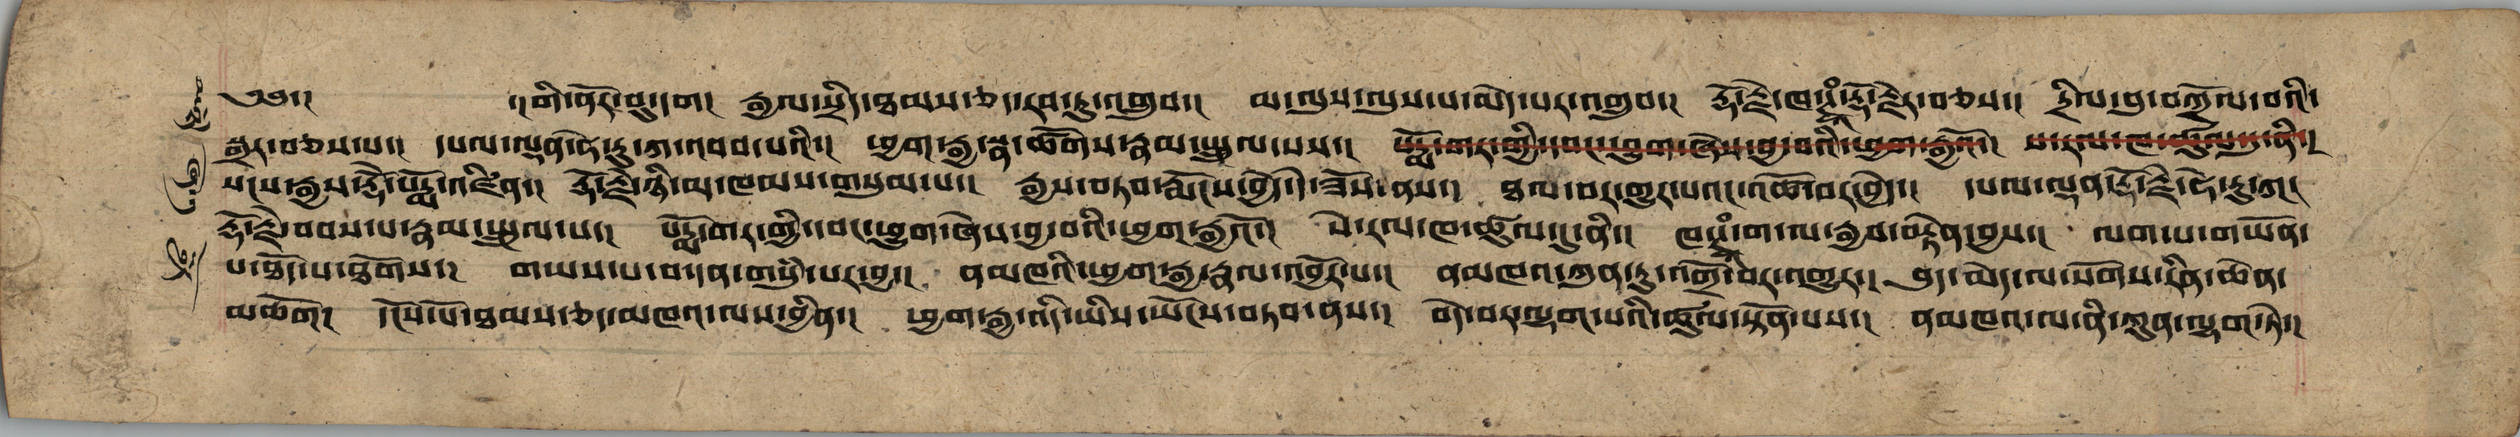༄༅་། ་།གི་ནོར་བུ་དག། རྒྱལ་སྲིད་ཐམས་ཅད་རབ་ཏུ་འགྲུབ་། མ་ལུས་ལུས་པ་མེད་པར་འགྲུབ་། རྡོ་རྗེ་ཁ་ཊྭཱཾ་རྡོ་རྗེར་བཅས་། དྲིལ་བུ་བཀྲོལ་བའི་
སྒྲར་བཅས་པ་། དཔལ་ལྡན་ཧེ་རུ་ཀ་འབབ་པའི་། ཕྱག་རྒྱ་སྣ་ཚོགས་རྣམ་སྤྲུལ་པས་། པདྨོ་གར་གྱི་དབང་ཕྱུག་ཞེས་བྱ་བའི་ཕྱག་རྒྱའོ་། ས་རལ་ཁ་ཚུལ་དུ་ནི་།
སངས་རྒྱས་རྡོ་རྗེ་པདྨོ་འཛིན་། རྡོ་རྗེ་ཉི་མ་ཁམས་གསུམ་པ་། རྒྱས་བཏབ་རྨོངས་བྱེད་དེ་ཟོས་ནས་། ཐལ་བར་གྱུར་པའང་འཚོ་བར་བྱེད་། དཔལ་ལྡན་རྡོ་རྗེ་ཧེ་རུ་ཀ།
རྡོ་རྗེ་བབས་པ་རྣམ་སྤྲུལ་པ་། པདྨོ་གར་གྱི་དབང་ཕྱུག་ཞེས་བྱ་བའི་ཕྱག་རྒྱའོ་། སེ་རལ་ཁ་ཚུལ་དུ་ནི་། ཁ་ཊྭཾ་ག་ལ་རྒྱབ་བརྟེན་བྱས་། ལག་པ་གཡོན་
པ་ཐོད་པ་ཐོགས་། གཡས་པ་བ་དན་གསུཾ་པར་བྱ་། ནམཁའི་ཕྱག་རྒྱ་རྣལ་འབྱོར་པ་། ནམཁའ་ཀུན་ཏུ་འགྲོ་བར་འགྱུར་། བུད་མེད་ལ་སོགས་རིན་ཆེན་
མཆོག། དངོས་པོ་ཐམས་ཅད་མཁའ་ལས་བྱིན་། ཕྱག་རྒྱ་འདི་ཡིས་ཡོངས་བཏབ་ནས་། བདེ་བར་ལྷག་པའི་ཚུལ་སྟོན་པས་། ནམ་མཁའ་ལ་ནི་ཀུན་ལྷག་ཏེ་།